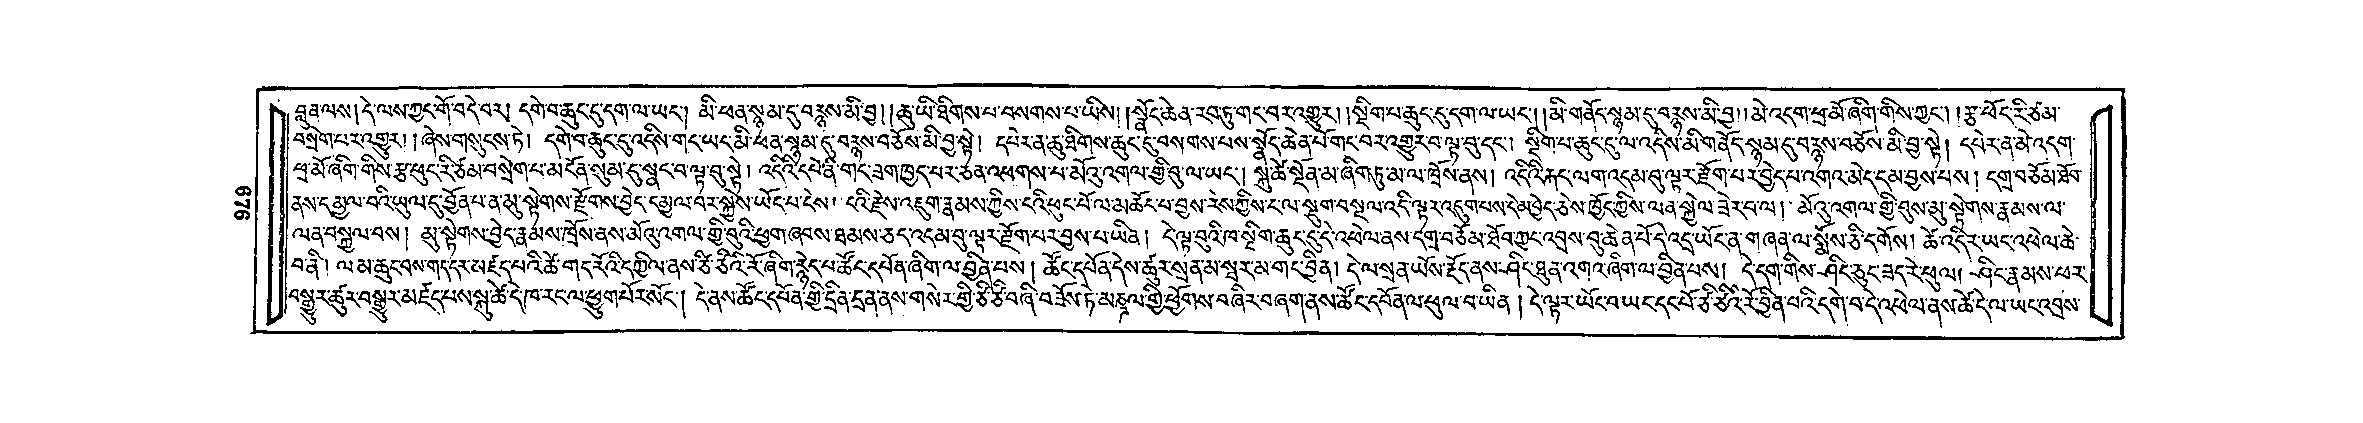བླུན་ལས། དེ་ལས་ཀྱང་གོ་བདེ་བར། དགེ་བ་ཆུང་དུ་དག་ལ་ཡང་། མི་ཕན་སྙམ་དུ་བརྙས་མི་བྱ། །ཆུ་ཡི་ཐིགས་པ་བསགས་པ་ཡིས། །སྣོད་ཆེན་རབ་ཏུ་གང་བར་འགྱུར། །སྡིག་པ་ཆུང་དུ་དག་ལ་ཡང་། །མི་གནོད་སྙམ་དུ་བརྙས་མི་བྱ། །མེ་འདག་ཕྲ་མོ་ཞིག་གིས་ཀྱང་། །རྩ་ཕོད་རི་ཙམ་
བསྲེག་པར་འགྱུར། །ཞེས་གསུངས་ཏེ། དགེ་བ་ཆུང་དུ་འདིས་གང་ཡང་མི་ཕན་སྙམ་དུ་བརྙས་བཅོས་མི་བྱ་སྟེ། དཔེར་ན་ཆུ་ཐིགས་ཆུང་དུ་བསགས་པས་སྣོད་ཆེན་པོ་གང་བར་འགྱུར་བ་ལྟ་བུ་དང་། སྡིག་པ་ཆུང་ངུ་ལ་འདིས་མི་གནོད་སྙམ་དུ་བརྙས་བཅོས་མི་བྱ་སྟེ། དཔེར་ན་མེ་འདག་
ཕྲ་མོ་ཞིག་གིས་རྩ་ཕུང་རི་ཙམ་བསྲེག་པ་མངོན་སུམ་དུ་སྣང་བ་ལྟ་བུ་སྟེ། འདིའི་དཔེ་ནི་གང་ཟག་ཁྱད་པར་ཅན་འཕགས་པ་མོའུ་འགལ་གྱི་བུ་ལ་ཡང་། སྐུ་ཚེ་སྔོན་མ་ཞིག་ཏུ་མ་ལ་ཁྲོས་ནས། འདིའི་རྐང་ལག་འདམ་བུ་ལྟར་རྫོག་པར་བྱེད་པ་འགའ་མེད་དམ་བྱས་པས། དགྲ་བཅོམ་ཐོབ་
ནས་དམྱལ་བའི་ཡུལ་དུ་བྱོན་པ་ན་མུ་སྟེགས་རྫོགས་བྱེད་དམྱལ་བར་སྐྱེས་ཡོད་པ་ངེས། །ངའི་རྗེས་འཇུག་རྣམས་ཀྱིས་ངའི་ཕུང་པོ་ལ་མཆོད་པ་བྱས་རེས་ཀྱིས་ང་ལ་སྡུག་བསྔལ་འདི་ལྟར་འདུག་པས་དེ་མ་བྱེད་ཅེས་ཁྱོད་ཀྱིས་ལན་སྐྱེལ་ཟེར་བ་ལ། མོའུ་འགལ་གྱི་བུས་མུ་སྟེགས་རྣམས་ལ་
ལན་བསྐྱལ་བས། མུ་སྟེགས་བྱེད་རྣམས་ཁྲོས་ནས་མོའུ་འགའ་གྱི་བུའི་ཕྱག་ཞབས་ཐམས་ཅད་འདམ་བུ་ལྟར་རྫོག་པར་བྱས་པ་ཡིན། དེ་ལྟ་བུའི་ཁ་སྡིག་ཆུང་དུ་དེ་འཕེལ་ནས་དགྲ་བཅོམ་ཐོབ་ཀྱང་འབྲས་བུ་ཆེན་པོ་དེ་འདྲ་ཡོང་ན་གཞན་ལ་སྨོས་ཅི་དགོས། ཚེ་འདིར་ཡང་འཕེལ་ཆེ་
བ་ནི། ལམ་ཆུང་བས་གད་དར་མཛད་པའི་ཚེ་གད་རོའི་དཀྱིལ་ནས་ཙི་ཙིའི་རོ་ཞིག་རྙེད་པ་ཚོང་དཔོན་ཞིག་ལ་བྱིན་པས། ཚོང་དཔོན་དེས་ཚུར་སྲན་མ་སྦར་མ་གང་བྱིན། དེ་ལ་སྲན་ཡོས་རྡོད་ནས་ཤིང་ཐུན་འགའ་ཞིག་ལ་བྱིན་པས། དེ་དག་གིས་ཤིང་ཅུང་ཟད་རེ་ཕུལ། ཤིང་རྣམས་ཕར་
བསྒྱུར་ཚུར་བསྒྱུར་མཛད་པས་སྐུ་ཚེ་དེ་ཁ་རང་ལ་ཕྱུག་པོར་སོང་། དེ་ནས་ཚོང་དཔོན་གྱི་དྲིན་དྲན་ནས་གསེར་གྱི་ཙི་ཙི་བཞི་བཟོས་ཏེ་མཎྜལ་གྱི་ཕྱོགས་བཞིར་བཞག་ནས་ཚོང་དཔོན་ལ་ཕུལ་བ་ཡིན། དེ་ལྟར་ཡོང་བ་ཡང་དང་པོ་ཙི་ཙིའི་རོ་བྱིན་པའི་དགེ་བ་དེ་འཕེལ་ནས་ཚེ་དེ་ལ་ཡང་འབྲས་